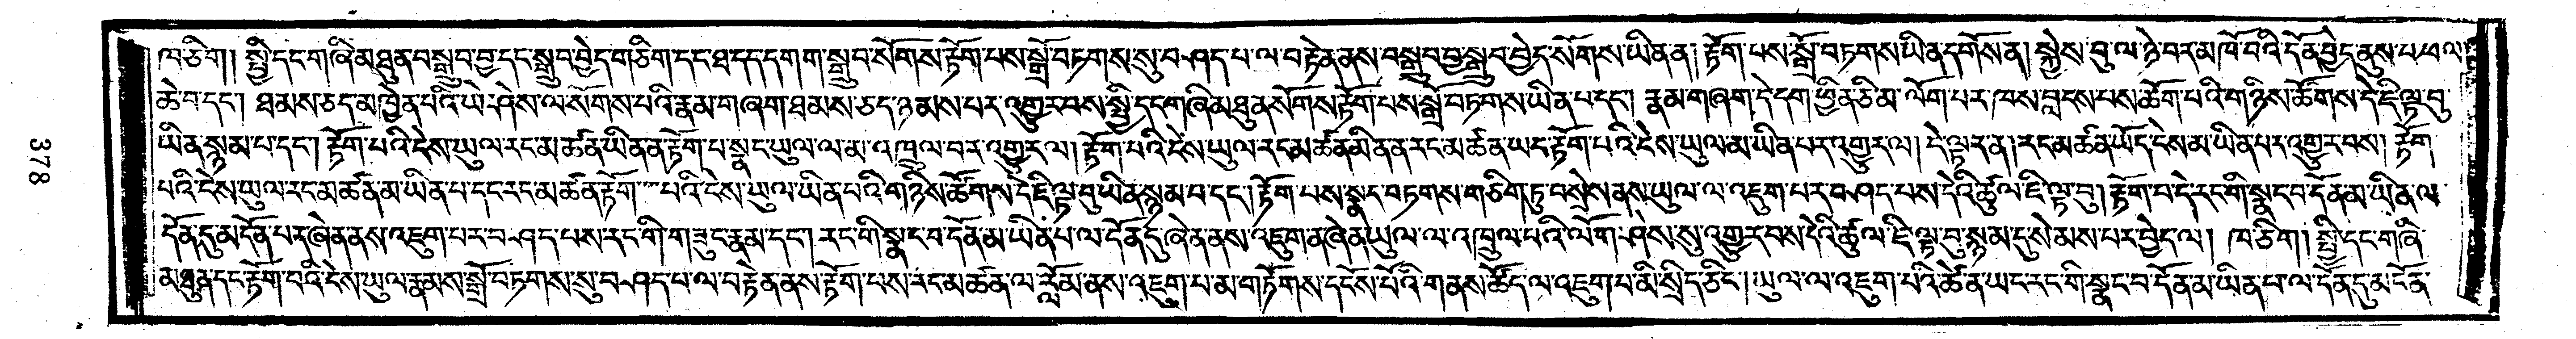ཁ་ཅིག ། སྤྱི་དང་གཞི་མཐུན་བསྒྲུབ་བྱ་དང་སྒྲུབ་བྱེད་གཅིག་དང་ཐ་དད་དགག་སྒྲུབ་སོགས་རྟོག་པས་སྒྲོ་བཏགས་སུ་བཤད་པ་ལ་བརྟེན་ནས་བསྒྲུབ་བྱ་སྒྲུབ་བྱེད་སོགས་ཡིན་ན། རྟོག་པས་སྒྲོ་བཏགས་ཡིན་དགོས་ན། སྐྱེས་བུ་ལ་ཉེ་བར་མཁོ་བའི་དོན་བྱེད་ནུས་པ་ཕལ་
ཆེ་བ་དང་། ཐམས་ཅད་མཁྱེན་པའི་ཡེ་ཤེས་ལ་སོགས་པའི་རྣམ་གཞག་ཐམས་ཅད་ཉམས་པར་འགྱུར་བས་སྤྱི་དང་གཞི་མཐུན་སོགས་རྟོག་པས་སྒྲོ་བཏགས་ཡིན་པ་དང་། རྣམ་གཞག་དེ་དག་ཕྱིན་ཅི་མ་ལོག་པར་ཁས་བླངས་པས་ཆོག་པའི་གཉིས་ཚོགས་དེ་ཇི་ལྟ་བུ་
ཡིན་སྙམ་པ་དང་། རྟོག་པའི་ངེས་ཡུལ་རང་མཚན་ཡིན་ན་རྟོག་པ་སྣང་ཡུལ་ལ་མ་འཁྲུལ་བར་འགྱུར་ལ། རྟོག་པའི་ངེས་ཡུལ་རང་མཚན་མིན་ན་རང་མཚན་ཡང་རྟོག་པའི་ངེས་ཡུལ་མ་ཡིན་པར་འགྱུར་ལ། དེ་ལྟར་ན། རང་མཚན་ཡོད་ངེས་མ་ཡིན་པར་འགྱུར་བས། རྟོག་
པའི་ངེས་ཡུལ་རང་མཚན་མ་ཡིན་པ་དང་རང་མཚན་རྟོག་པའི་ངེས་ཡུལ་ཡིན་པའི་གཉིས་ཚོགས་དེ་ཇི་ལྟ་བུ་ཡིན་སྙམ་པ་དང་། རྟོག་པས་སྣང་བཏགས་གཅིག་ཏུ་བསྲེས་ནས་ཡུལ་ལ་འཇུག་པར་བཤད་པས་དེའི་ཚུལ་ཇི་ལྟ་བུ། རྟོག་པ་དེ་རང་གི་སྣང་བ་དོན་མ་ཡིན་ལ་
དོན་དུ་མངོན་པར་ཞེན་ནས་འཇུག་པར་བཤད་པས་རང་གི་གཟུང་རྣམ་དང་། རང་གི་སྣང་བ་དོན་མ་ཡིན་པ་ལ་དོན་དུ་ཞེན་ནས་འཇུག་ན་ཞེན་ཡུལ་ལ་འཁྲུལ་བའི་ལོག་ཤེས་སུ་འགྱུར་བས་དེའི་ཚུལ་ཇི་ལྟར་བུ་སྙམ་དུ་སེམས་པར་བྱེད་ལ། ཁ་ཅིག །སྤྱི་དང་གཞི་
མཐུན་དང་རྟོག་པའི་ངེས་ཡུལ་རྣམས་སྒྲོ་བཏགས་སུ་བཤད་པ་ལ་བརྟེན་ནས་རྟོག་པས་རང་མཚན་ལ་རློམ་ནས་འཇུག་པ་མ་གཏོགས་དངོས་པོའི་གནས་ཚོད་ལ་འཇུག་པ་མི་སྲིད་ཅིང་། ཡུལ་ལ་འཇུག་པའི་ཚེ་ན་ཡང་རང་གི་སྣང་བ་དོན་མ་ཡིན་པ་ལ་དོན་དུ་མངོན་